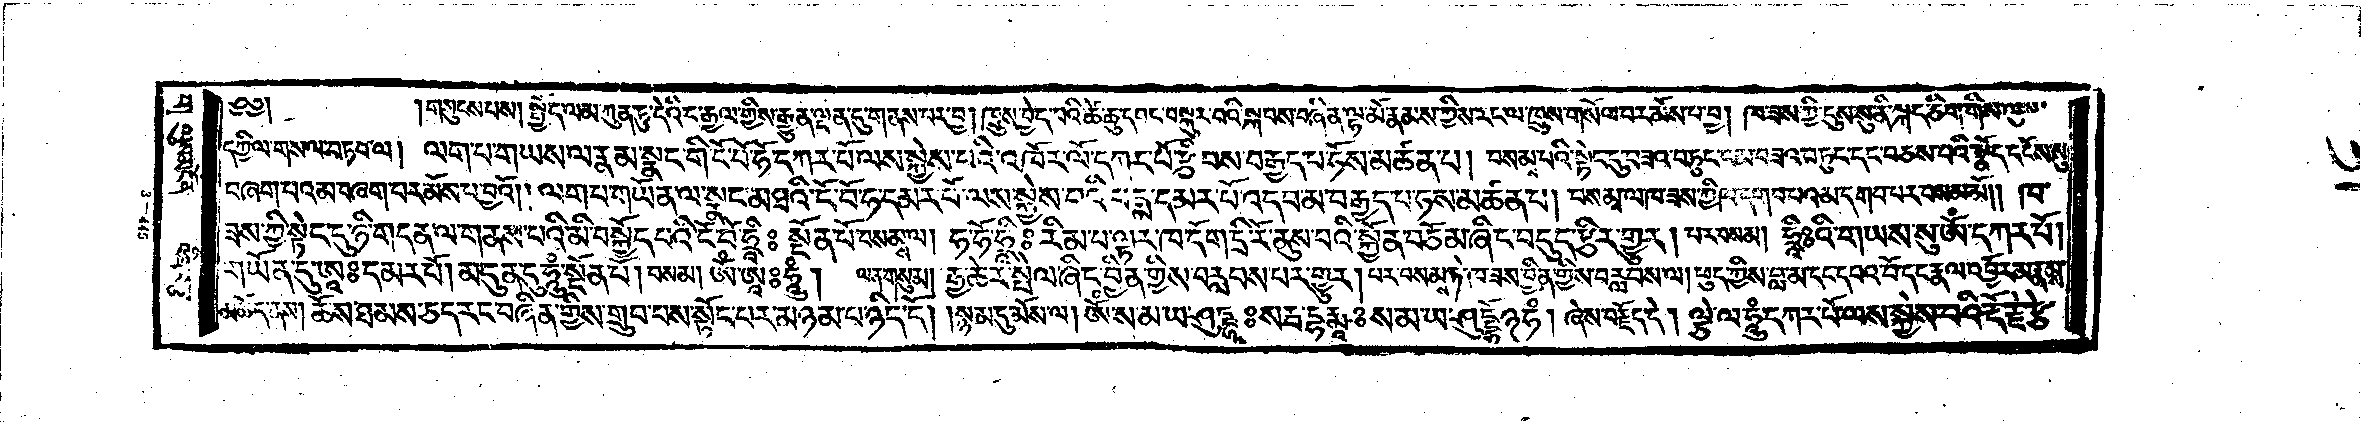༄༅། །གསུངས་པས། སྤྱོད་ལམ་ཀུན་ཏུ་དེའི་ང་རྒྱལ་གྱིས་རྒྱུན་ལྡན་དུ་གནས་པར་བྱ། ཁྲུས་བྱེད་བའི་ཚེ་ཆུ་དབང་བསྐུར་བའི་སྐབས་བཞིན་ལྷ་མོ་རྣམས་ཀྱིས་རང་ལ་ཁྲུས་གསོལ་བར་མོས་པ་བྱ། ཁ་ཟས་ཀྱི་དུས་སུ་ནི་སྐད་ཅིག་གིས་ལུས་
དཀྱིལ་གསལ་བཏབ་ལ། ལག་པ་གཡས་ལ་རྣམ་སྣང་གི་ངོ་བོ་ཧོ་དཀར་པོ་ལས་སྐྱེས་པའི་འཁོར་ལོ་དཀར་པོ་རྩིབས་བརྒྱད་པ་ཧོས་མཚན་པ། བསམས་པའི་སྟེང་དུ་བཟའ་བཏུང་ངམ་བཟའ་བཏུང་དང་བཅས་བའི་སྣོད་དངོས་སུ།
བཞག་པའམ་བཞག་བར་མོས་པ་བྱའོ། །ལག་པ་གཡོན་ལ་སྣང་མཐའི་ངོ་བོ་ཧ་དམར་པོ་ལས་སྐྱེས་བའི་པདམ་དམར་པོ་འདབ་མ་བརྒྱད་པ་ཧས་མཚན་པ། བསམས་ལ་ཁ་ཟས་ཀྱི་ཁ་དགབ་པའམ་དགབ་པར་བསམ་མོ། །  ཁ་
ཟས་ཀྱི་སྟེང་དུ་ཉི་གདན་ལ་གནས་པའི་མི་བསྐྱོད་པའི་ངོ་བོ་ཧྲཱིཿ སྔོན་པོ་བསམས་ལ།  ཧ་ཧོ་ཧྲཱིཿ རིམ་པ་ལྟར་ཁ་དོག་དྲི་རོ་ནུས་པའི་སྐྱོན་བཅོམ་ཞིང་བདུད་རྩིར་གྱུར། པར་བསམ།  ཧྲཱིཿའི་གཡས་སུ་ཨོཾ་དཀར་པོ།
གཡོན་དུ་ཨཱཿདམར་པོ། མདུན་དུ་ཧཱུཾ་སྔོན་པོ། བསམ།  ཨོཾ་ཨཱཿཧཱུཾ། ལན་གསུམ།  རྒྱ་ཆེར་སྤེལ་ཞིང་བྱིན་གྱིས་བརླབས་པར་གྱུར། པར་བསམས་ཏེ་ཁ་ཟས་བྱིན་གྱིས་བརླབས་ལ། ཕུད་ཀྱིས་བླ་མ་དང་དཔའ་བོ་དང་རྣལ་འབྱོར་མ་རྣམས་
མཆོད་ནས། ཆོས་ཐམས་ཅད་རང་བཞིན་གྱིས་གྲུབ་པས་སྟོང་པར་མཉམ་པ་ཉིད་དོ། །སྙམ་དུ་མོས་ལ།  ཨོཾ་ས་མ་ཡ་ཤུདྡྷཱཿསརྦ་དྷརྨཱཿས་མ་ཡ་ཤུདྡྷོཉཧཾ། ཞེས་བརྗོད་དེ།  ལྕེ་ལ་ཧཱུཾ་དཀར་པོ་ལས་སྐྱེས་བའི་རྡོ་རྗེ་རྩེ་